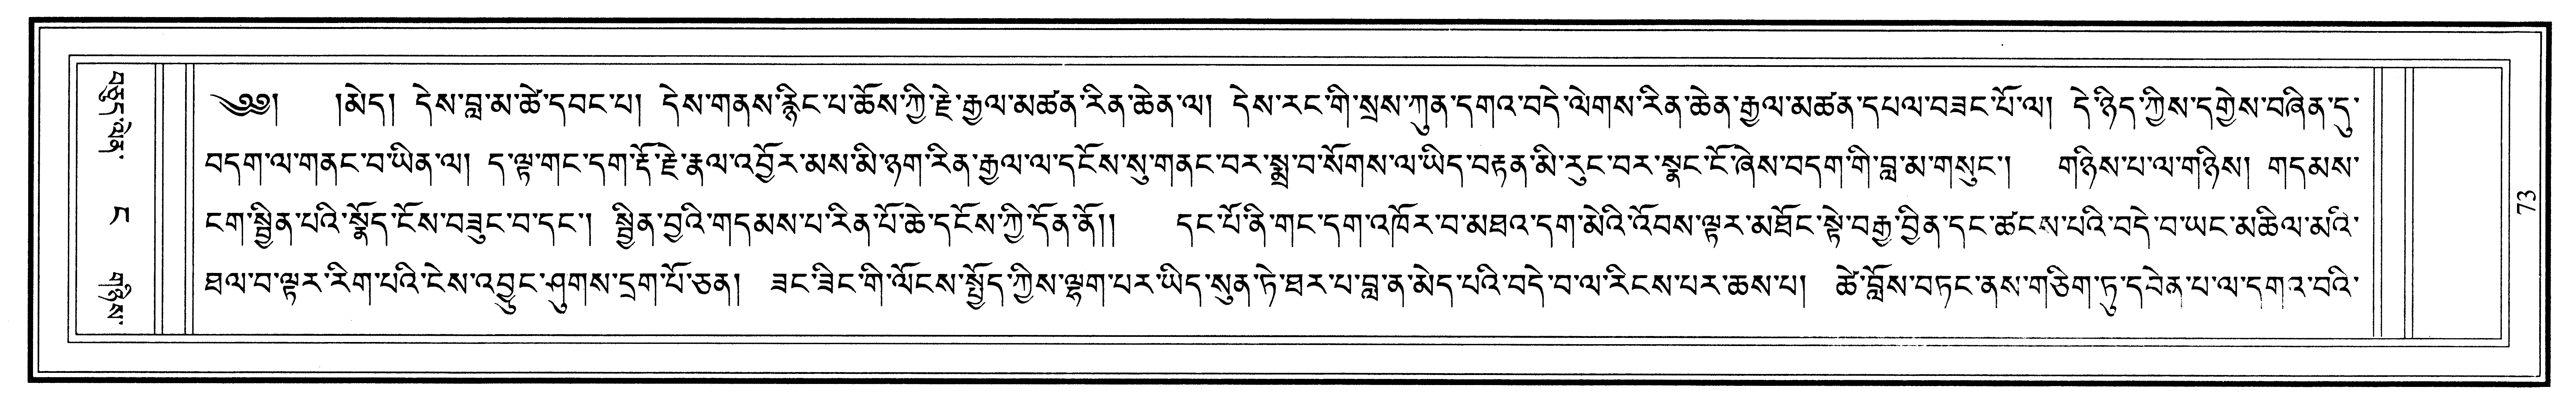༄༅། །མེད། དེས་བླ་མ་ཚེ་དབང་པ། དེས་གནས་རྙིང་པ་ཆོས་ཀྱི་རྗེ་རྒྱལ་མཚན་རིན་ཆེན་ལ། དེས་རང་གི་སྲས་ཀུན་དགའ་བདེ་ལེགས་རིན་ཆེན་རྒྱལ་མཚན་དཔལ་བཟང་པོ་ལ། དེ་ཉིད་ཀྱིས་དགྱེས་བཞིན་དུ་
བདག་ལ་གནང་བ་ཡིན་ལ། ད་ལྟ་གང་དག་རྡོ་རྗེ་རྣལ་འབྱོར་མས་མི་ཉག་རིན་རྒྱལ་ལ་དངོས་སུ་གནང་བར་སྨྲ་བ་སོགས་ལ་ཡིད་བརྟན་མི་རུང་བར་སྣང་ངོ་ཞེས་བདག་གི་བླ་མ་གསུང་། གཉིས་པ་ལ་གཉིས། གདམས་
ངག་སྦྱིན་པའི་སྣོད་ངོས་བཟུང་བ་དང་། སྦྱིན་བྱའི་གདམས་པ་རིན་པོ་ཆེ་དངོས་ཀྱི་དོན་ནོ།། དང་པོ་ནི་གང་དག་འཁོར་བ་མཐའ་དག་མེའི་འོབས་ལྟར་མཐོང་སྟེ་བརྒྱ་བྱིན་དང་ཚངས་པའི་བདེ་བ་ཡང་མཆིལ་མའི་
ཐལ་བ་ལྟར་རིག་པའི་ངེས་འབྱུང་ཤུགས་དྲག་པོ་ཅན། ཟང་ཟིང་གི་ལོངས་སྤྱོད་ཀྱིས་ལྷག་པར་ཡིད་སུན་ཏེ་ཐར་པ་བླ་ན་མེད་པའི་བདེ་བ་ལ་རིངས་པར་ཆགས་པ། ཚེ་བློས་བཏང་ནས་གཅིག་ཏུ་དབེན་པ་ལ་དགའ་བའི་